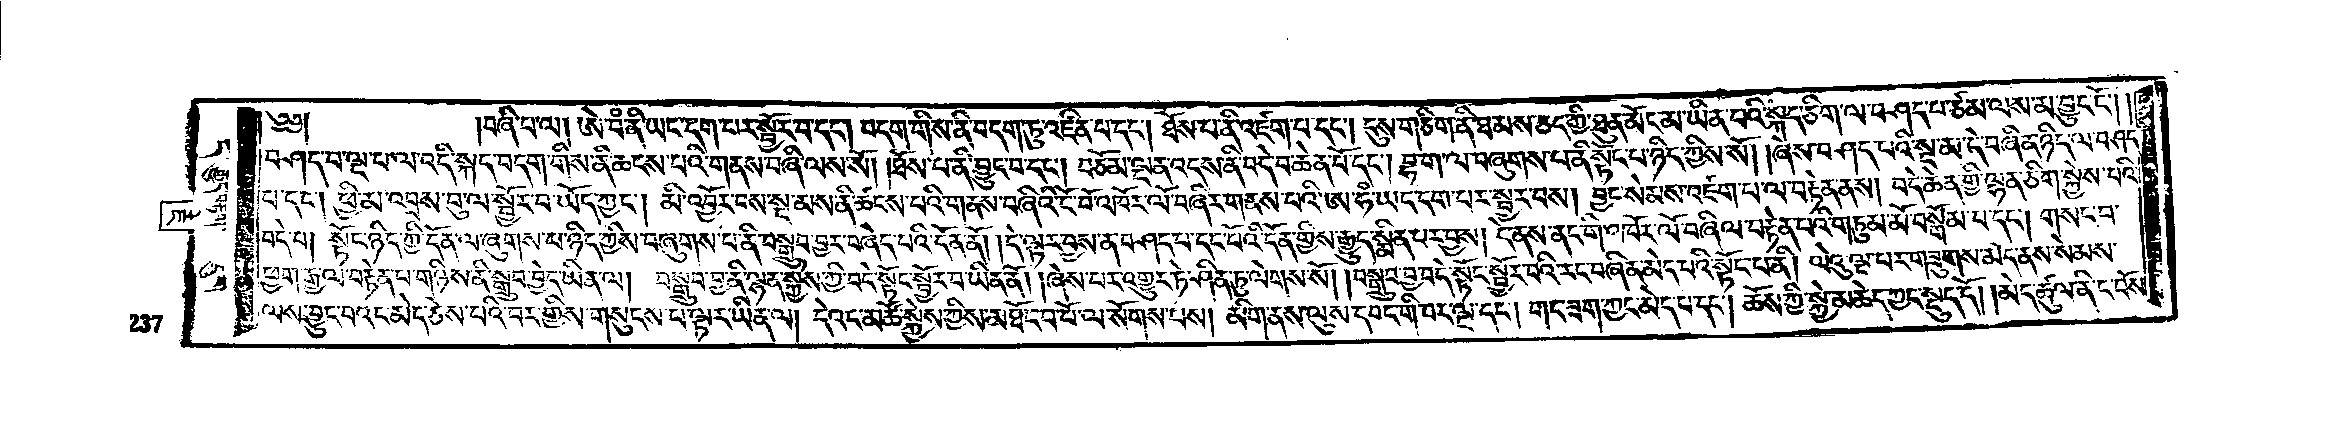༄༅། །བཞི་པ་ལ། ཨེ་བཾ་ནི་ཡང་དག་པར་སྦྱོར་བ་དང་། བདག་གིས་ནི་བདག་ཏུ་འཛིན་པ་དང་། ཐོས་པ་ནི་འཛག་པ་དང་། དུས་གཅིག་ནི་ཐམས་ཅད་ཀྱི་ཐུན་མོང་མ་ཡིན་པའི་སྐད་ཅིག་ལ་བཤད་པ་ཙམ་ལས་མ་བྱུང་ངོ། །
བཤད་པ་ལྔ་པ་ལ་འདི་སྐད་བདག་གིས་ནི་ཚངས་པའི་གནས་བཞི་ལས་སོ། །ཐོས་པ་ནི་བྱུང་བ་དང་། བཅོམ་ལྡན་འདས་ནི་བདེ་བ་ཆེན་པོ་དང་། བྷ་ག་ལ་བཞུགས་པ་ནི་སྟོང་པ་ཉིད་ཀྱིས་སོ། །ཞེས་བཤད་པའི་སྔ་མ་དེ་བཞིན་ཉིད་ལ་བཤད་
པ་དང་། ཕྱི་མ་འབྲས་བུ་ལ་སྦྱོར་བ་ཡོད་ཀྱང་། མི་འབྱོར་བས་སྔ་མས་ནི་ཚངས་པའི་གནས་བཞིའི་ངོ་བོ་འཁོར་ལོ་བཞིར་གནས་པའི་ཨ་ཧཾ་ཡང་དག་པར་སྦྱར་བས། བྱང་སེམས་འཛག་པ་ལ་བརྟེན་ནས། བདེ་ཆེན་གྱི་ལྷན་ཅིག་སྐྱེས་པའི་
བདེ་བ། སྟོང་ཉིད་ཀྱི་དོན་ལ་ཞུགས་པ་ཉིད་ཀྱིས་བཞུགས་པ་ནི་བསྒྲུབ་བྱར་བཞེད་པའི་དོན་ནོ། །དེ་ལྟར་བྱས་ན་བཤད་པ་དང་པོའི་དོན་གྱིས་རྒྱུད་སྨིན་པར་བྱས། དེ་ནས་ནང་གི་འཁོར་ལོ་བཞི་ལ་བརྟེན་པའི་གཏུམ་མོ་བསྒོམ་པ་དང་། གསང་བ་
ཕྱག་རྒྱ་ལ་བརྟེན་པ་གཉིས་ནི་སྒྲུབ་བྱེད་ཡིན་ལ། བསྒྲུབ་བྱ་ནི་ལྷན་སྐྱེས་ཀྱི་བདེ་སྟོང་སྦྱོར་བ་ཡིན་ནོ། །ཞེས་པར་འགྱུར་ཏེ་ཤིན་ཏུ་ལེགས་སོ། །བསྒྲུབ་བྱ་བདེ་སྟོང་སྦྱོར་བའི་རང་བཞིན་མེད་པའི་སྟོང་པ་ནི། ལེའུ་ལྔ་པར་གཟུགས་མེད་ནས་སེམས་
ལས་བྱུང་བའང་མེད་ཅེས་པའི་བར་གྱིས་གསུངས་པ་ལྟར་ཡིན་ལ། དེའང་མཚོ་སྐྱེས་ཀྱིས་མཐོང་བ་པོ་ལ་སོགས་པས། མིག་ནས་ལུས་དབང་གི་བར་ལྔ་དང་། གང་ཟག་ཀྱང་མེད་པ་དང་། ཆོས་ཀྱི་སྐྱེ་མཆེད་ཀྱང་སྡུད་དོ། །མེད་ཚུལ་ནི་ངོ་?་བོས་